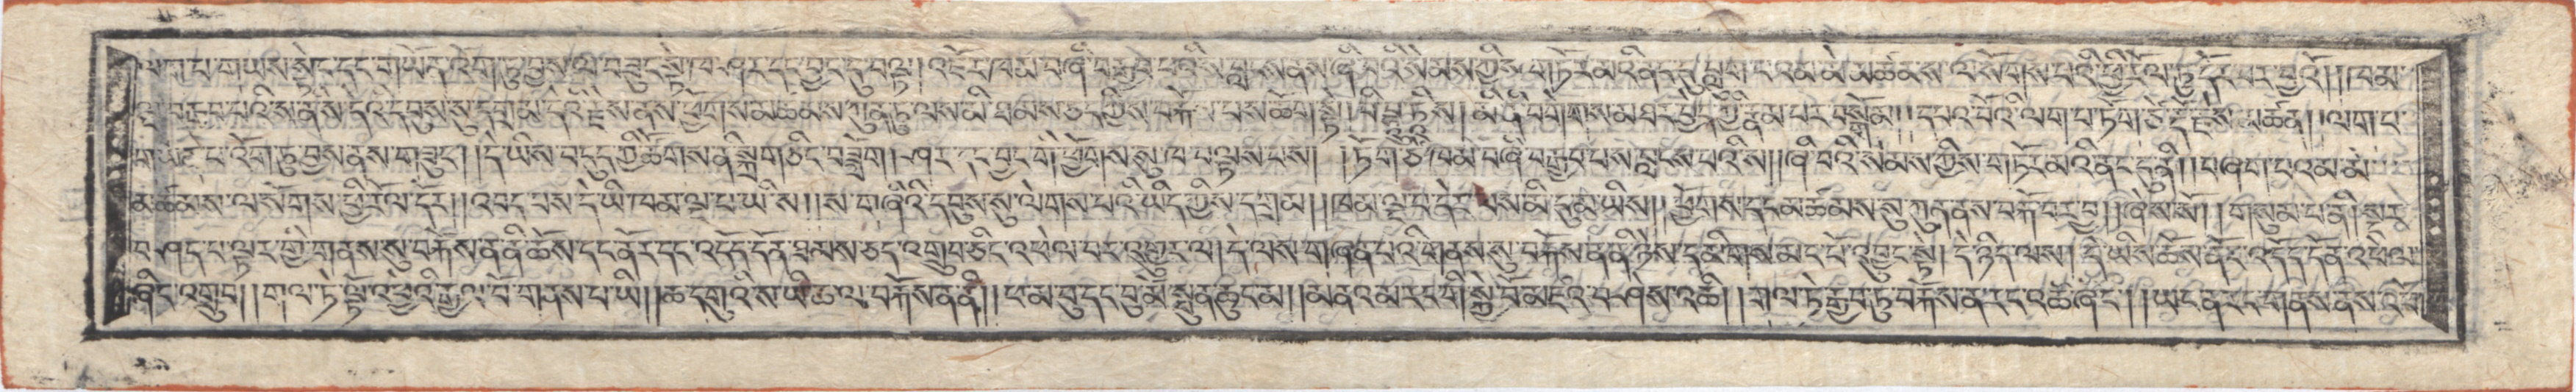ལག་པ་གཡས་སྟེང་དང་གཡོན་འོག་ཏུ་བྱས་ལ་བཟུང་སྟེ་ཁ་ཤར་དང་བྱང་དུ་བལྟ། འཇོར་ཁམ་བཞི་བརྒྱབ་པའི་ས་བླངས་ནས་ཞི་བའི་སེམས་ཀྱིས་གཏོར་མའི་ནང་དུ་བླུག་པའམ་མེ་མཚམས་ལ་སོགས་པའི་ཕྱི་རོལ་ཏུ་དོར་བར་བྱའོ། །ཁམ་
ལྔ་བརྒྱབ་པའི་ས་ནི་ས་དེའི་དབུས་སུ་དགྲམ་དེའི་རྗེས་ནས་ཕྱོགས་མཚམས་ཀུན་ཏུ་ལས་མི་ཐམས་ཅད་ཀྱིས་བརྐོས་པས་ཆོག་སྟེ། བི་བྷཱུ་ཏཱི་ས། མི་ནི་བགེགས་མཐར་བྱེད་ཀྱི་རྣམ་པར་བསྒོམ། །དཔའ་བོའི་ལག་པ་ཏོག་ཙེ་རྡོ་རྗེས་མཚན། །ལག་པ་
གཡོན་པ་འོག་ཏུ་བྱས་ནས་གཟུང་། །དེ་ཡིས་བདུད་ཀྱི་ཚོགས་ནི་སྐྲག་ཅིང་བཟློག །ཤར་དང་བྱང་གི་ཕྱོགས་སུ་ཁ་བལྟས་པས། །ཏོག་ཙེ་ཁམ་བཞི་བརྒྱབ་པས་བླངས་པའི་ས། །ཞི་བའི་སེམས་ཀྱིས་གཏོར་མའི་ནང་དུ་ནི། །བཞག་པའམ་མེ་
མཚམས་ལ་སོགས་ཕྱི་རོལ་དོར། །འབད་པས་དེ་ཡི་ཁམ་ལྔ་པ་ཡི་ས། །ས་གཞིའི་དབུས་སུ་ལེགས་པའི་ཡིད་ཀྱིས་དགྲམ། །ཁམ་ལྔ་པ་དེར་ལས་མི་དུ་མ་ཡིས། །ཕྱོགས་དང་མཚམས་སུ་ཀུན་ནས་བརྐོ་བར་བྱ། །ཞེས་སོ། །གསུམ་པ་ནི། སྔར་
བཤད་པ་ལྟར་གྱི་གནས་སུ་བརྐོས་ན་ནི་ཆོས་དང་ནོར་དང་འདོད་དོན་ཐམས་ཅད་འགྲུབ་ཅིང་འཕེལ་བར་འགྱུར་ལ། དེ་ལས་གཞན་པའི་གནས་སུ་བརྐོས་ན་ནི་ཉེས་དམིགས་མང་པོ་འབྱུང་སྟེ། དེ་ཉིད་ལས། དེ་ཡིས་ཆོས་ནོར་འདོད་དོན་འཕེལ་
ཞིང་འགྲུབ། །གལ་ཏེ་ལྟོ་འཕྱེའི་རྒྱལ་པོ་གནས་པ་ཡི། །ཆ་དགུའི་ས་ཡི་ཆ་ལ་བརྐོས་ན་ནི། །ཕ་མ་བུ་དང་བུ་མོ་སྤུན་ཆུང་མ། །མནའ་མ་རང་གི་སྐྱེ་བོ་མཛའ་བཤེས་འཆི། །གལ་ཏེ་རྒྱབ་ཏུ་བརྐོས་ན་རང་འཆི་ཞིང་། །ཡང་ན་རང་གནས་ནས་འཕོ་